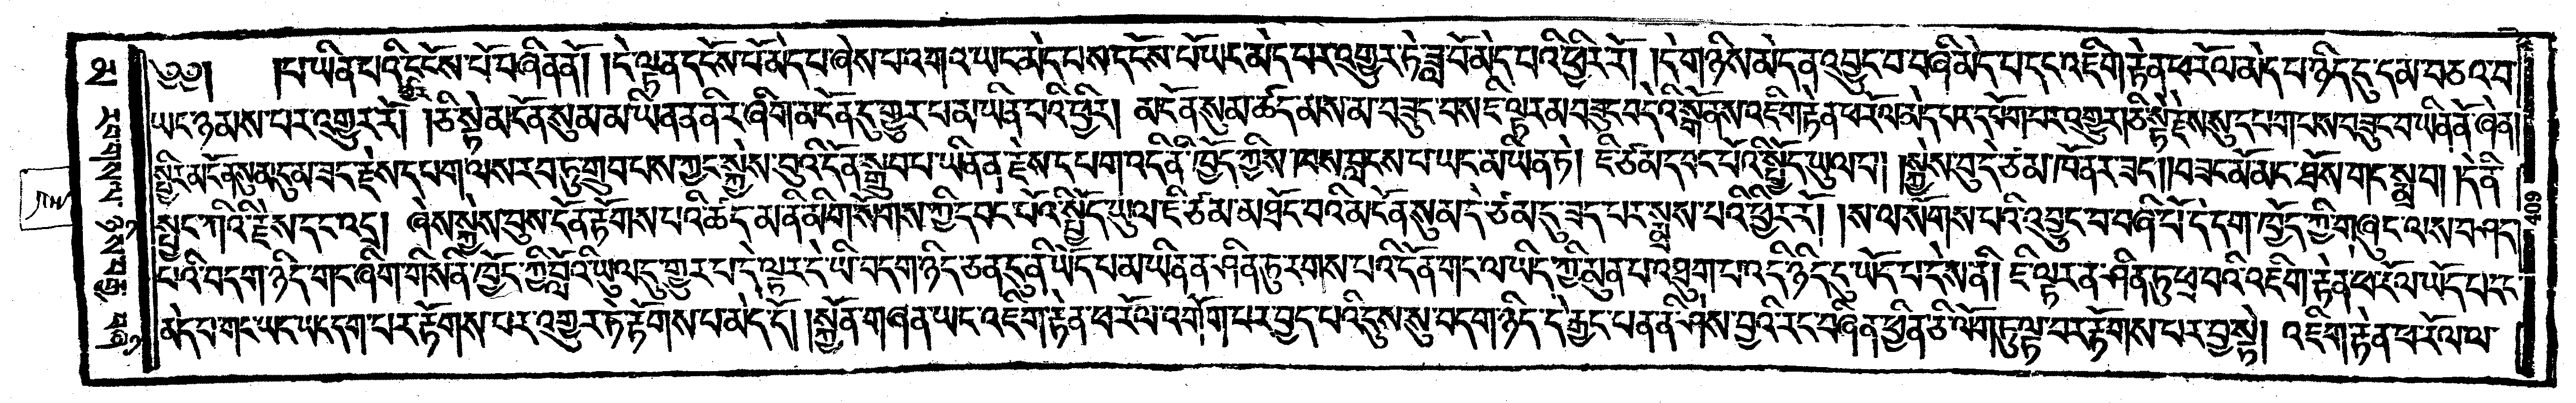༄༅། །པ་ཡིན་པའི་ཕྱིར་དངོས་པོ་བཞིན་ནོ། །དེ་ལྟ་ན་དངོས་པོ་མེད་པ་ཞེས་པ་འགའ་ཡང་མེད་པས་དངོས་པོ་ཡང་མེད་པར་འགྱུར་ཏེ་ཟླ་བོ་མེད་པའི་ཕྱིར་རོ། །དེ་གཉིས་མེད་ན་འབྱུང་བ་བཞི་མེད་པ་དང་འཇིག་རྟེན་ཕ་རོལ་མེད་པ་ཉིད་དུ་དམ་བཅའ་བ་
ཡང་ཉམས་པར་འགྱུར་རོ། །ཅི་སྟེ་མངོན་སུམ་མ་ཡིན་ན་ནི་རེ་ཞིག་མངོན་དུ་གྱུར་པ་མ་ཡིན་པའི་ཕྱིར། མངོན་སུམ་ཚད་མས་མ་བཟུང་བས་ཇི་ལྟར་མ་བཟུང་བ་དེའི་སྒོ་ནས་འཇིག་རྟེན་ཕ་རོལ་མེད་པར་དཔོག་པར་འགྱུར། ཅི་སྟེ་རྗེས་སུ་དཔག་པས་བཟུང་བ་ཡིན་ནོ་ཞེ་ན།
སྤྱིར་མངོན་སུམ་དུ་མ་ཟད་རྗེས་དཔག་ལས་རབ་ཏུ་གྲུབ་པས་ཀྱང་སྐྱེས་བུའི་དོན་སྒྲུབ་པ་ཡིན་ན་རྗེས་དཔག་འདི་ནི་ཁྱོད་ཀྱིས་ཁས་བླངས་པ་ཡང་མ་ཡིན་ཏེ། ཇི་ཙམ་དབང་པོའི་སྤྱོད་ཡུལ་བ། །སྐྱེས་བུ་དེ་ཙམ་ཁོ་ནར་ཟད། །བཟང་མོ་མང་ཐོས་གང་སྨྲ་བ། །དེ་ནི་
སྤྱང་ཀིའི་རྗེས་དང་འདྲ། ཞེས་སྐྱེས་བུས་དོན་རྟོགས་པའི་ཚད་མ་ནི་མིག་སོགས་ཀྱི་དབང་པོའི་སྤྱོད་ཡུལ་ཇི་ཙམ་མཐོང་བའི་མངོན་སུམ་དེ་ཙམ་དུ་ཟད་པར་སྨྲས་པའི་ཕྱིར་རོ། །ས་ལ་སོགས་པའི་འབྱུང་བ་བཞི་པོ་དེ་དག་ཁྱོད་ཀྱི་གཞུང་ལས་བཤད་
པའི་བདག་ཉིད་གང་ཞིག་གིས་ནི་ཁྱོད་ཀྱི་བློའི་ཡུལ་དུ་གྱུར་པ་དེ་ལྟར་དེ་ཡི་བདག་ཉིད་ཅན་དུ་ནི་ཡོད་པ་མ་ཡིན་ན་ཤིན་ཏུ་རགས་པའི་དོན་གང་ལ་ཡིད་ཀྱི་མུན་པ་འཐུག་པོ་འདི་ཉིད་དུ་ཡོད་པ་དེས་ནི། ཇི་ལྟར་ན་ཤིན་ཏུ་ཕྲ་བའི་འཇིག་རྟེན་ཕ་རོལ་ཡོད་པ་དང་
མེད་པ་གང་ཡང་ཡང་དག་པར་རྟོགས་པར་འགྱུར་ཏེ་རྟོགས་པ་མེད་དོ། །སྐྱོན་གཞན་ཡང་འཇིག་རྟེན་ཕ་རོལ་འགོག་པར་བྱེད་པའི་དུས་སུ་བདག་ཉིད་དེ་རྒྱང་ཕན་ནི་ཤེས་བྱའི་རང་བཞིན་ཕྱིན་ཅི་ལོག་ཏུ་ལྟ་བར་རྟོགས་པར་བྱ་སྟེ། འཇིག་རྟེན་ཕ་རོལ་ལ་